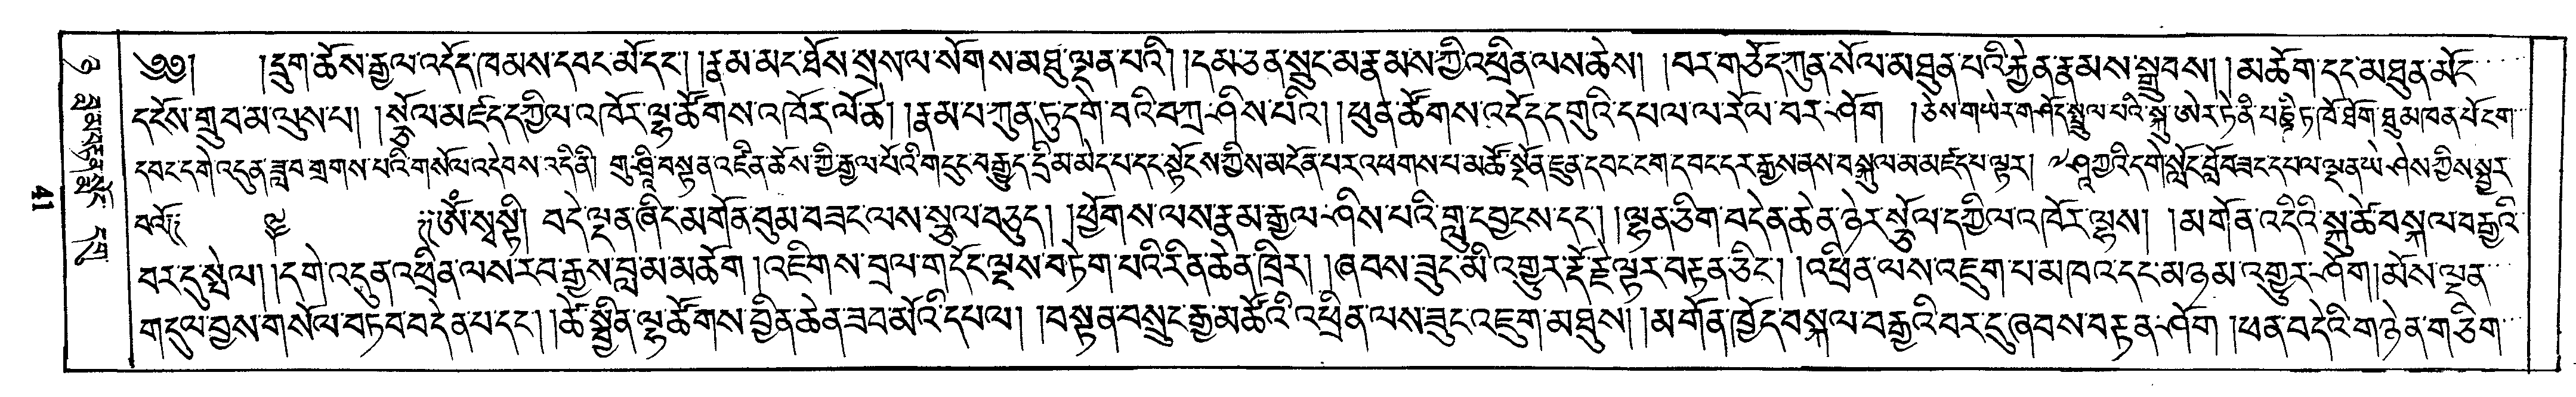༄༅། །དྲུག་ཆོས་རྒྱལ་འདོད་ཁམས་དབང་མོ་དང་། །རྣམ་མང་ཐོས་སྲས་ལ་སོགས་མཐུ་ལྡན་པའི། །དམ་ཅན་སྲུང་མ་རྣམས་ཀྱི་འཕྲིན་ལས་ཆེས། །བར་གཅོད་ཀུན་སོལ་མཐུན་པའི་རྐྱེན་རྣམས་སྒྲུབས། །མཆོག་དང་མཐུན་མོང་
དངོས་གྲུབ་མ་ལུས་པ། །སྩོལ་མཛད་དཀྱིལ་འཁོར་ལྷ་ཚོགས་འཁོར་ལོ་ཆེ། །རྣམ་བ་ཀུན་ཏུ་དགེ་བའི་བཀྲ་ཤིས་པའི། །ཕུན་ཚོགས་འདོད་དགུའི་དཔལ་ལ་རོལ་བར་ཤོག། །ཅེས་གཡེར་གཤོང་སྤྲུལ་བའི་སྐུ་ཨེར་ཏེ་ནི་པཎྜི་ཏ་ཁོ་ཐོག་ཐུ་མཁན་བོ་དག་
དབང་དགེ་འདུན་ཟླ་བ་གྲགས་པའི་གསོལ་འདེབས་འདི་ནི། གུ་ཤྲཱི་བསྟན་འཛིན་ཆོས་ཀྱི་རྒྱལ་པོའི་གདུང་བརྒྱུད་དྲི་མ་མེད་པ་དད་སྟོབས་ཀྱིས་མངོན་པར་འཕགས་པ་མཚོ་སྔོན་ཇུན་དབང་ངག་དབང་དར་རྒྱས་ནས་བསྐུལ་མ་མཛད་པ་ལྟར། ༧ཤཱཀྱའི་དགེ་སློང་བློ་བཟང་དཔལ་ལྡན་ཡེ་ཤེས་ཀྱིས་སྦྱར་
བའོ༑༑ ༈ ༑༑ཨོཾ་སྭ་སྟི། བདེ་ལྡན་ཞིད་མགོན་བུམ་བཟང་ལས་སྩལ་བཅུད། །ཕྱོགས་ལས་རྣམ་རྒྱལ་ཤིས་པའི་གླུ་དབྱངས་དང་། །ལྷན་ཅིག་བདེན་ཆེན་ཉེར་སྩོལ་དཀྱིལ་འཁོར་ལྷས། །མགོན་འདིའི་སྐུ་ཚེ་བསྐལ་པ་རྒྱའི་
བར་དུ་སྤེལ། །དགེ་འདུན་འཕྲིན་ལས་རབ་རྒྱས་བླ་མ་མཆོག། །འཇིགས་བྲལ་གདོང་ལྔས་བཏེག་པའི་རིན་ཆེན་ཁྲིར། །ཞབས་ཟུང་མི་འགྱུར་རྡོ་རྗེ་ལྟར་བརྟན་ཅིང་། །འཕྲིན་ལས་འཇུག་པ་མཁའ་དང་མཉམ་འགྱུར་ཤོག། མོས་ལྡན་
གདུལ་བྱས་གསོལ་བཏབ་བདེན་པ་དང་། །ཚེ་སྦྱིན་ལྷ་ཚོགས་བྱིན་ཆེན་ཟབ་མོའི་དཔལ། །བསྟན་བསྲུང་རྒྱ་མཚོའི་འཕྲིན་ལས་ཟུང་འཇུག་མཐུས། །མགོན་ཁྱོད་བསྐལ་བརྒྱའི་བར་དུ་ཞབས་བརྟན་ཤོག །ཕན་བདེའི་གཉེན་གཅིག་